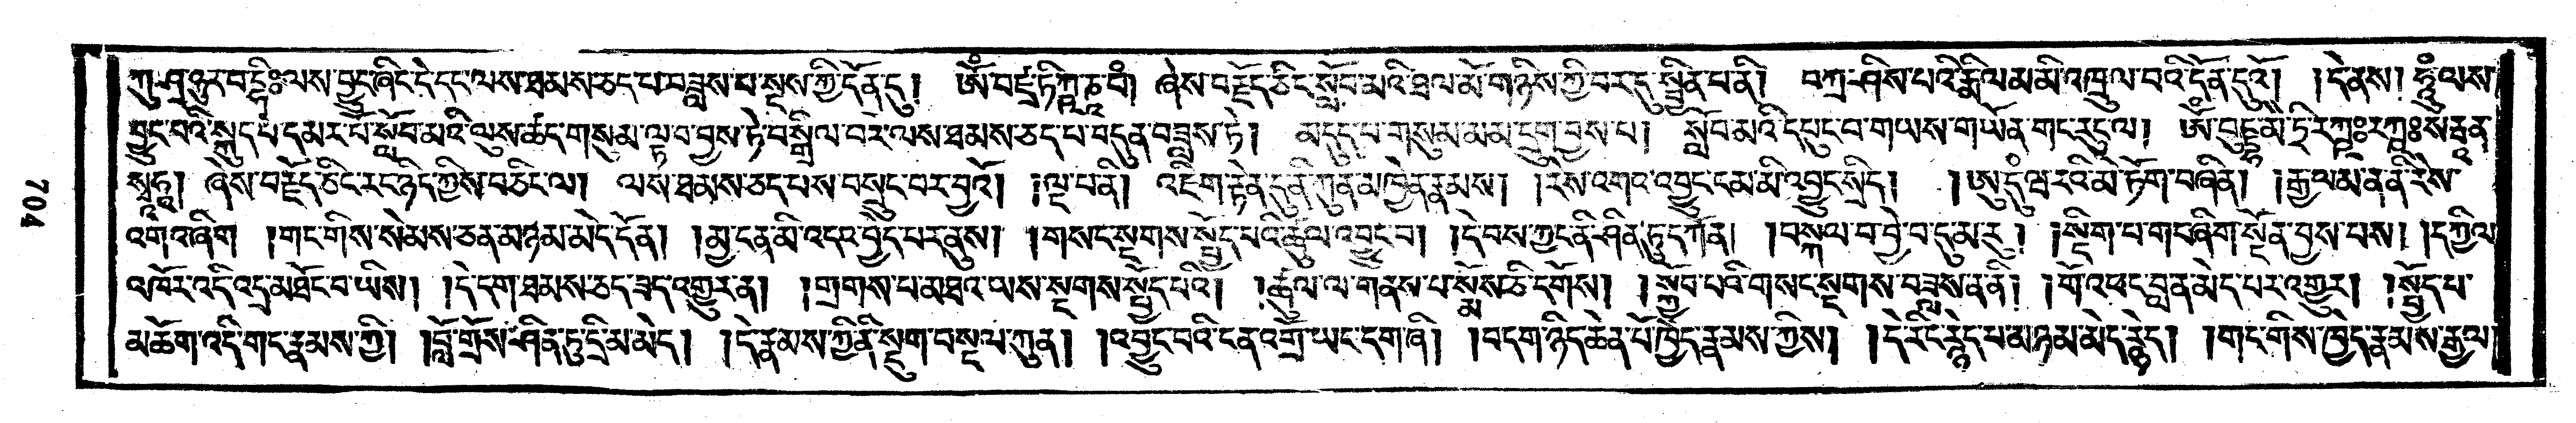ཀུ་ཤྲ་ཉུར་བ་དྷིཿ ལས་བྱུང་ཞིང་དེ་དང་ལས་ཐམས་ཅད་པ་བཟླས་པ་སྔས་ཀྱི་དོན་དུ། ཨོཾ་བཛྲ་ཏིཀྵ་ཎཱ་བཾ། ཞེས་བརྗོད་ཅིང་སློབ་མའི་ཐལ་མོ་གཉིས་ཀྱི་བར་དུ་སྦྱིན་པ་ནི། བཀྲ་ཤིས་པའི་རྨི་ལམ་མི་འཁྲུལ་བའི་དོན་དུའོ། །དེ་ནས། ཧཱུཾ་ལས་
བྱུང་པའི་སྐུད་པ་དམར་པོ་སློབ་མའི་ལུས་ཚད་གསུམ་ལྟ་བ་བྱས་ཏེ་བསྒྲིལ་བར་ལས་ཐམས་ཅད་པ་བདུན་བཟླས་ཏེ། མདུད་པ་གསུམ་མམ་དྲུག་བྱས་པ། སློབ་མའི་དཔུང་བ་གཡས་གཡོན་གང་རུང་ལ། ཨོཾ་བུདྡྷ་མཻ་ཏྲི་རཀྵཿ རཀྵཿསརྦཱན་
སྭཱཧཱ། ཞེས་བརྗོད་ཅིང་རང་ཉིད་ཀྱིས་བཅིང་ལ། ལས་ཐམས་ཅད་པས་བསྲུང་བར་བྱའོ། །ལྔ་པ་ནི། འཇིག་རྟེན་དུ་ནི་ཀུན་མཁྱེན་རྣམས། །རེས་འགའ་འབྱུང་ངམ་མི་འབྱུང་སྲིད། །ཨུ་དུཾ་ཝ་རའི་མེ་ཏོག་བཞིན། །རྒྱ་ལམ་ན་ནི་རེས་
འགའ་ཞིག །གང་གིས་སེམས་ཅན་མཉམ་མེད་དོན། །མྱ་ངན་མི་འདའ་བྱེད་པར་ནུས། །གསང་སྔགས་སྤྱོད་པའི་ཚུལ་འབྱུང་བ། །དེ་བས་ཀྱང་ནི་ཤིན་ཏུ་དཀོན། །བསྐལ་བ་བྱེ་བ་དུ་མ་རུ། །སྡིག་པ་གང་ཞིག་སྔོན་བྱས་པས། །དཀྱིལ་
འཁོར་འདི་འདྲ་མཐོང་བ་ཡིས། །དེ་དག་ཐམས་ཅད་ཟད་འགྱུར་ན། །གྲགས་པ་མཐའ་ཡས་སྔགས་སྤྱོད་པའི། །ཚུལ་ལ་གནས་པ་སྨོས་ཅི་དགོས། །སྐྱོབ་པའི་གསང་སྔགས་བཟླས་ན་ནི། །གོ་འཕང་བླ་ན་མེད་པར་འགྱུར། །སྤྱོད་པ་
མཆོག་འདི་གང་རྣམས་ཀྱི། །བློ་གྲོས་ཤིན་ཏུ་དྲི་མ་མེད། །དེ་རྣམས་ཀྱི་ནི་སྡུག་བསྔལ་ཀུན། །འབྱུང་བའི་ངན་འགྲོ་ཡང་དག་ཞི། །བདག་ཉིད་ཆེན་པོ་ཁྱེད་རྣམས་ཀྱིས། །དེ་རིང་རྙེད་པ་མཉམ་མེད་རྙེད། །གང་གིས་ཁྱེད་རྣམས་རྒྱལ་